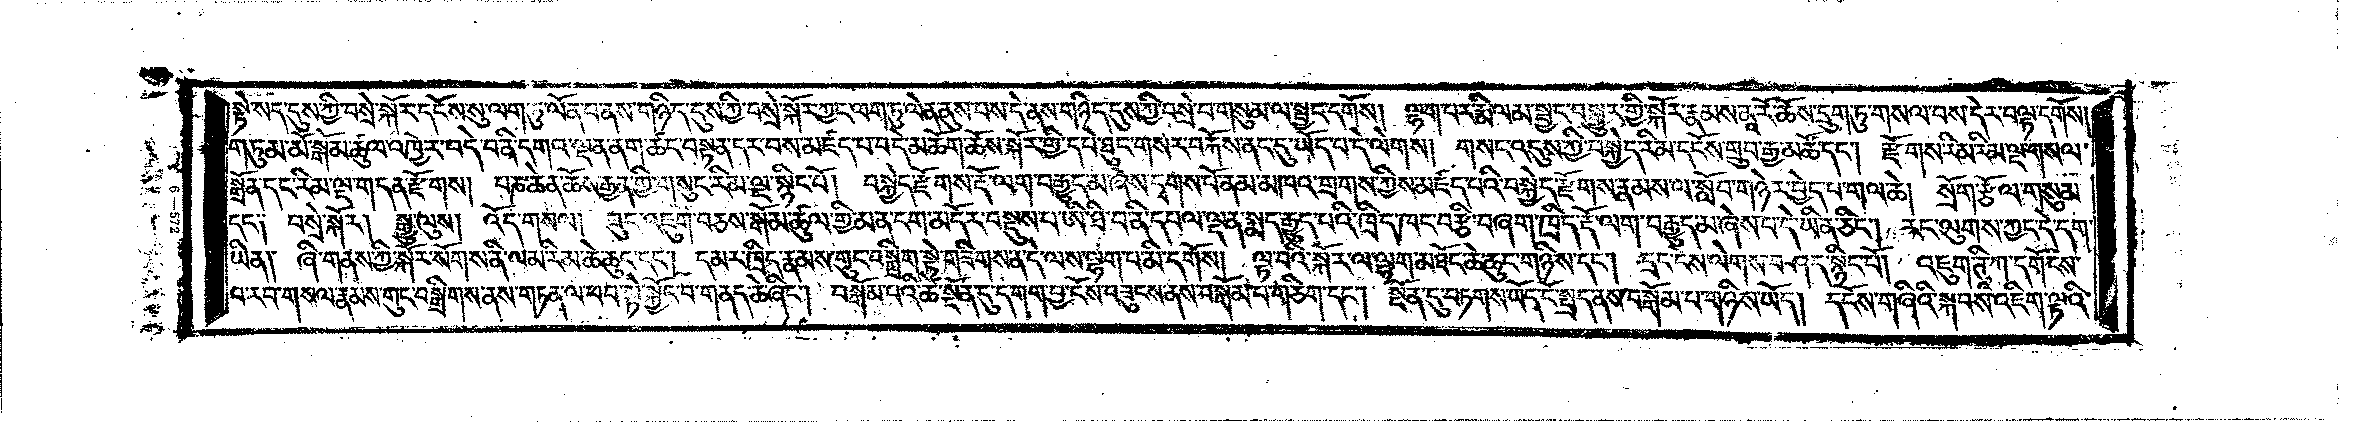སྟེ་སད་དུས་ཀྱི་བསྲེ་སྐོར་དངོས་སུ་ལག་ཏུ་ལོན་པ་ནས་གཉིད་དུས་ཀྱི་བསྲེ་སྐོར་ཀྱང་ལག་ཏུ་ལེན་ནུས་པས་དེ་ནས་གཉིད་དུས་ཀྱི་བསྲེ་བ་གསུམ་ལ་སྦྱང་དགོས། ལྷག་པར་རྨི་ལམ་སྦྱང་བསྒྱུར་གྱི་སྐོར་རྣམས་ནཱ་རོ་ཆོས་དྲུག་ཏུ་གསལ་བས་དེར་བལྟ་དགོས།
གཏུམ་མོ་སྒོམ་ཚུལ་འཁྱེར་བདེ་བ་ནི་དགའ་ལྡན་ནག་ཚང་བསྟན་དར་བས་མཛད་པ་བདེ་མཆོག་ཆོས་སྐོར་གྱི་དཔེ་ཐུང་གསར་བརྐོས་ནང་དུ་ཡོད་པ་དེ་ལེགས། གསང་འདུས་ཀྱི་བསྐྱེད་རིམ་དངོས་གྲུབ་རྒྱ་མཚོ་དང་། རྫོགས་རིམ་རིམ་ལྔ་གསལ་
སྒྲོན་དང་རིམ་ལྔ་གདན་རྫོགས། པཎ་ཆེན་ཆོས་རྒྱན་གྱི་གསུང་རིམ་ལྔ་སྙིང་པོ། བསྐྱེད་རྫོགས་རྡོ་ལག་བརྒྱུད་མ་ཞེས་དྭགས་པོ་ནམ་མཁའ་གྲགས་ཀྱིས་མཛད་པའི་བསྐྱེད་རྫོགས་རྣམས་ལ་སློབ་གཉེར་བྱེད་པ་གལ་ཆེ། སྲོག་རྩོལ་གསུམ་
དང༑ བསྲེ་སྐོར། སྒྱུ་ལུས། འོད་གསལ༑ ཟུང་འཇུག་བཅས་སྒོམ་ཚུལ་གྱི་མན་ངག་མདོར་བསྡུས་པ་ཨི་ཐི་བ་ནི་དཔལ་ལྡན་སྨད་རྒྱུད་པའི་ཁྲིད་ཁང་བརྩི་བཞག་ཁྲིད་རྡོ་ལག་བརྒྱུད་མ་ཞེས་བ་དེ་ཡིན་ཅིང་། རང་ལུགས་ཀྱང་དེ་དག་
ཡིན། ཞི་གནས་ཀྱི་སྐོར་སོགས་ནི་ལམ་རིམ་ཆེ་ཆུང་དང་། དམར་ཁྲིད་རྣམས་གུང་བསྒྲིག་སྟེ་གཟིགས་ན་དེ་ལས་ལྷག་པ་མི་དགོས། ལྟ་བའི་སྐོར་ལ་ལྷག་མཐོང་ཆེ་ཆུང་གཉིས་དང་། དྲང་ངེས་ལེགས་བཤད་སྙིང་པོ། འཇུག་ཊཱི་ཀ་དགོངས་
པ་རབ་གསལ་རྣམས་གུང་བསྒྲིགས་ནས་གཏན་ལ་ཕབ་སྟེ་སྐྱོང་བ་གནད་ཆེ་ཞིང་། བསྒོམ་པའི་ཚེ་སྔོན་དུ་དགག་བྱ་ངོས་བཟུངས་ནས་བསྒོམ་པ་གཅིག་དང་། སྔོན་དུ་བཏགས་ཡོད་ངོ་སྤྲད་ནས་བསྒོམ་པ་གཉིས་ཡོད། དངོས་གཞིའི་སྐབས་འཇིག་ལྟའི་